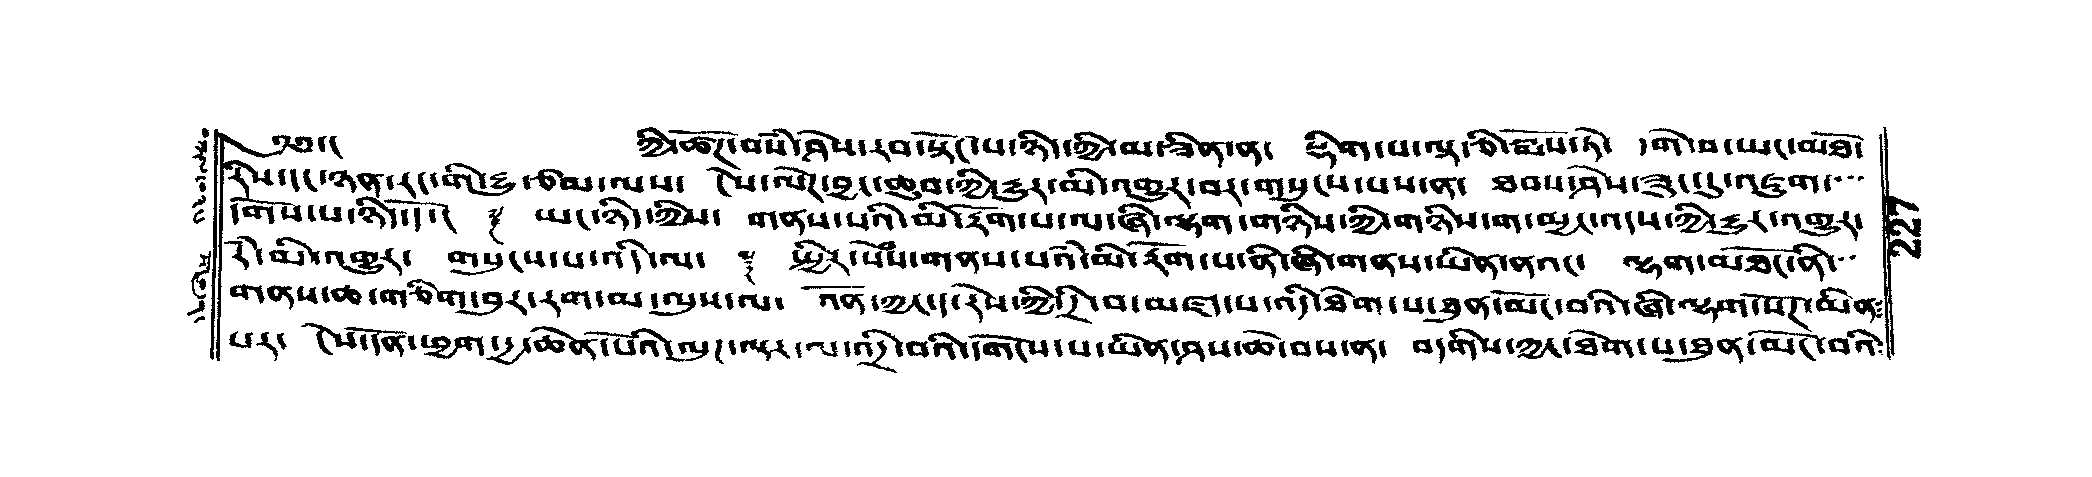ཀྱི་ཚོགས་སམ་ཤེས་རབ་སྟོང་པ་ཉིད་ཀྱི་མ་ཟིན་ན། སྡིག་པ་ལྟ་ཅི་སྨོས་ཏེ། དགེ་བ་ཡང་མཐོ་
རིས་དང་ཉན་རང་གི་རྒྱུ་ཙམ་ལས། ངེས་ལེགས་བྱང་ཆུབ་ཀྱི་རྒྱུར་མི་འགྱུར་བར་གསུངས་པས་ན། ཐབས་ཤེས་ཟུང་དུ་འཇུག་
དགོས་པ་ཉིད་དོ། ཡང་ཉིད་ཀྱིས། གནས་སའི་མི་རྟོག་པ་ལ་ཞི་ལྷག་གཉིས་ཀྱི་གཉིས་ཀ་མྱང་འདས་ཀྱི་རྒྱུར་འགྱུར་
རམ་མི་འགྱུར། གསུངས་པ་འདི་ལ། སྤྱིར་སེམས་གནས་པའམ་མི་རྟོག་པ་ནི་ཞི་གནས་ཡིན་ནའང་། ལྷག་མཐོང་ནི་
གནས་ཆ་གཅིག་བུར་རག་མ་ལུས་ལ། འོན་ཀྱང་ད་རེས་ཀྱི་དྲི་བ་མཛད་པ་འདི་ཐེག་པ་ཐུན་མོང་བའི་ཞི་ལྷག་སོགས་མིན་
པར། ངེས་དོན་ཕྱག་རྒྱ་ཆེན་པོའི་ལུགས་ལྟར་ལ་འདྲི་བའི་དགོངས་པ་ཡིན་ཤས་ཆེ་བས་ན། བདག་གིས་ཀྱང་ཐེག་པ་ཐུན་མོང་བའི་